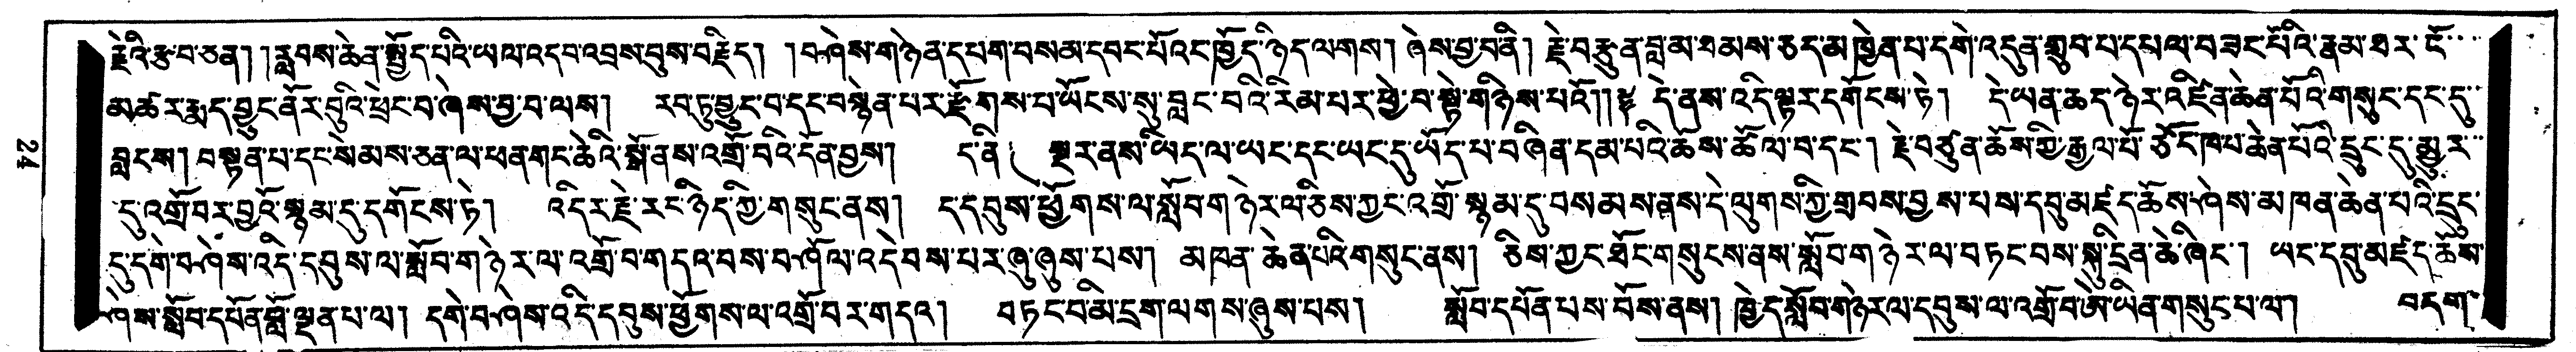རྗེའི་རྩ་བ་ཅན། །རླབས་ཆེན་སྤྱོད་པའི་ཡལ་འདབ་འབྲས་བུས་བརྗིད། །བཤེས་གཉེན་དཔག་བསམ་དབང་པོའང་ཁྱོད་ཉིད་ལགས། ཞེས་བྱ་བ་ནི། རྗེ་བརྩུན་བླ་མ་ཐམས་ཅད་མཁྱེན་པ་དགེ་འདུན་གྲུབ་པ་དཔལ་བཟང་པོའི་རྣམ་ཐར་ངོ་
མཚར་རྨད་བྱུང་ནོར་བུའི་ཕྲེང་བ་ཞེས་བྱ་བ་ལས། རབ་ཏུ་བྱུང་བ་དང་བསྙེན་པར་རྫོགས་པ་ཡོངས་སུ་བླང་བའི་རིམ་པར་ཕྱེ་བ་སྟེ་གཉིས་པའོ།། ༈ དེ་ནས་འདི་ལྟར་དགོངས་ཏེ། དེ་ཡན་ཆད་ཉེར་འཛིན་ཆེན་པོའི་གསུང་དང་དུ་
བླངས། བསྟན་པ་དང་སེམས་ཅན་ལ་ཕན་གང་ཆེའི་སྒོ་ནས་འགྲོ་བའི་དོན་བྱས། ད་ནི༑ སྔར་ནས་ཡིད་ལ་ཡང་དང་ཡང་དུ་ཡོད་པ་བཞིན་དམ་པའི་ཆོས་ཚོལ་བ་དང་། རྗེ་བཙུན་ཆོས་ཀྱི་རྒྱལ་པོ་ཙོང་ཁ་པ་ཆེན་པོའི་དྲུང་དུ་མྱུར་
དུ་འགྲོ་བར་བྱའོ་སྙམ་དུ་དགོངས་ཏེ། འདིར་རྗེ་རང་ཉིད་ཀྱི་གསུང་ནས། ད་དབུས་ཕྱོགས་ལ་སློབ་གཉེར་ལ་ཅིས་ཀྱང་འགྲོ་སྙམ་དུ་བསམས་ནས་དེ་ལུགས་ཀྱི་གྲབས་བྱས་པས་དབུ་མཛད་ཆོས་ཤེས་མཁན་ཆེན་པའི་དྲུང་
དུ་དགེ་བཤེས་འདི་དབུས་ལ་སློབ་གཉེར་ལ་འགྲོ་བ་དགའ་བས་བཤོལ་འདེབས་པར་ཞུ་ཞུས་པས། མཁན་ཆེན་པའི་གསུང་ནས། ཅིས་ཀྱང་ཐོང་གསུངས་ནས་སློབ་གཉེར་ལ་བཏང་བས་སྐུ་དྲིན་ཆེ་ཞིང་། ཡང་དབུ་མཛད་ཆོས་
ཤེས་སློབ་དཔོན་བློ་ལྡན་པ་ལ། དགེ་བཤེས་འདི་དབུས་ཕྱོགས་ལ་འགྲོ་བར་དགའ། བཏང་བ་མི་དྲག་ལགས་ཞུས་པས། སློབ་དཔོན་པས་བོས་ནས། ཁྱེད་སློབ་གཉེར་ལ་དབུས་ལ་འགྲོ་བ་ཨེ་ཡིན་གསུང་པ་ལ། བདག་